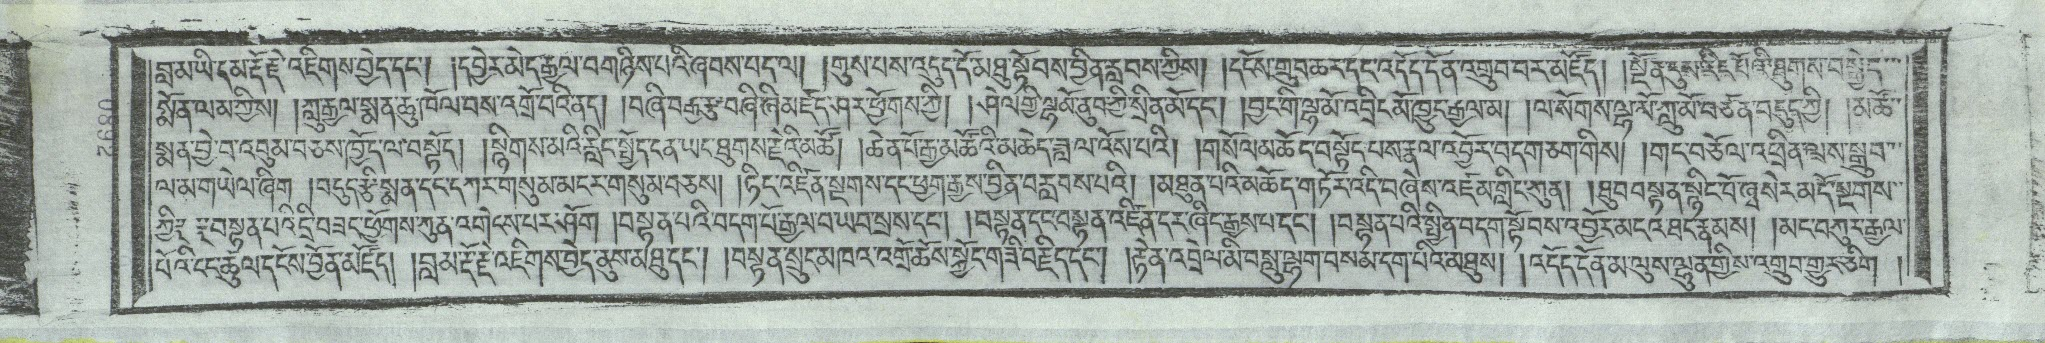བླ་མ་ཡི་དམ་རྡོ་རྗེ་འཇིགས་བྱེད་དང་། །དབྱེར་མེད་རྒྱལ་བ་གཉིས་པའི་ཞབས་པད་ལ། །གུས་པས་འདུད་དོ་མཐུ་སྟོབས་བྱིན་རླབས་ཀྱིས། །དངོས་གྲུབ་ཆར་དང་འདོད་དོན་འགྲུབ་བར་མཛོད། །སྔོན་དུས་རིང་པོའི་ཐུགས་བསྒྱེད་
སྨོན་ལམ་ཀྱིས། །ཀླུ་རྒྱལ་སྨན་ཆུ་ཁོལ་བས་འགྲོ་བའི་ནད། །བཞི་བརྒྱ་རྩ་བཞི་ཞི་མཛད་ཤར་ཕྱོགས་ཀྱི། །ཤེལ་གྱི་ལྷ་མོ་ནུབ་ཀྱི་སྲིན་མོ་དང་། །བྱང་གི་ལྷ་མོ་འབྲིང་མོ་ཁྱུང་རྒྱལ་མ། །ལ་སོགས་ལྷ་མོ་ཀླུ་མོ་བཙན་བདུད་ཀྱི། །མཚོ་
སྨན་བྱེ་བ་འབུམ་བཅས་ཁྱོད་ལ་བསྟོད། །སྙིགས་མའི་རླིང་སྤྱོད་ངན་ཡང་ཐུགས་རྗེའི་མཚོ། །ཆེན་པོ་རྒྱ་མཚོའི་མཆེད་ཟླ་ལ་འོས་པའི། །གསོལ་མཆོད་བསྟོང་པས་རྣལ་འབྱོར་བདག་ཅག་གིས། །གང་བཅོལ་འཕྲིན་ལས་སྒྲུབ་
ལ་མ་གཡེལ་ཞིག །བདུད་རྩི་སྨན་དང་དཀར་གསུམ་མངར་གསུམ་བཅས། །ཏིང་འཛིན་སྔགས་དང་ཕྱག་རྒྱས་བྱིན་བརླབས་པའི། །མཐུན་པའི་མཆོད་གཏོར་འདི་བཞེས་འཛམ་གླིང་ཀུན། །ཐུབ་བསྟན་སྙིང་པོ་ཞྭ་སེར་མདོ་སྔགས་
ཀྱི༑ ༑བསྟན་པའི་དྲི་བཟང་ཕྱོགས་ཀུན་འགེངས་པར་ཤོག །བསྟན་པའི་བདག་པོ་རྒྱལ་བ་ཡབ་སྲས་དང་། །བསྟན་དང་བསྟན་འཛིན་ངར་ཞིང་རྒྱས་པ་དང་། །བསྟན་པའི་སྦྱིན་བདག་སྟོབས་འབྱོར་མངའ་ཐང་རྣམས། །མང་བཀུར་རྒྱལ་
པོའི་ངང་ཚུལ་དངོས་བྱོན་མཛོད། །བླ་མ་རྡོ་རྗེ་འཇིགས་བྱེད་ནུས་མཐུ་དང་། །བསྟན་སྲུང་མཁའ་འགྲོ་ཆོས་སྐྱོང་གཟི་བརྗིད་དང་། །རྟེན་འབྲེལ་མི་བསླུ་ལྷག་བསམ་དག་པའི་མཐུས། །འདོད་དོན་མ་ལུས་ལྷུན་གྱིས་འགྲུབ་གྱུར་ཅིག།